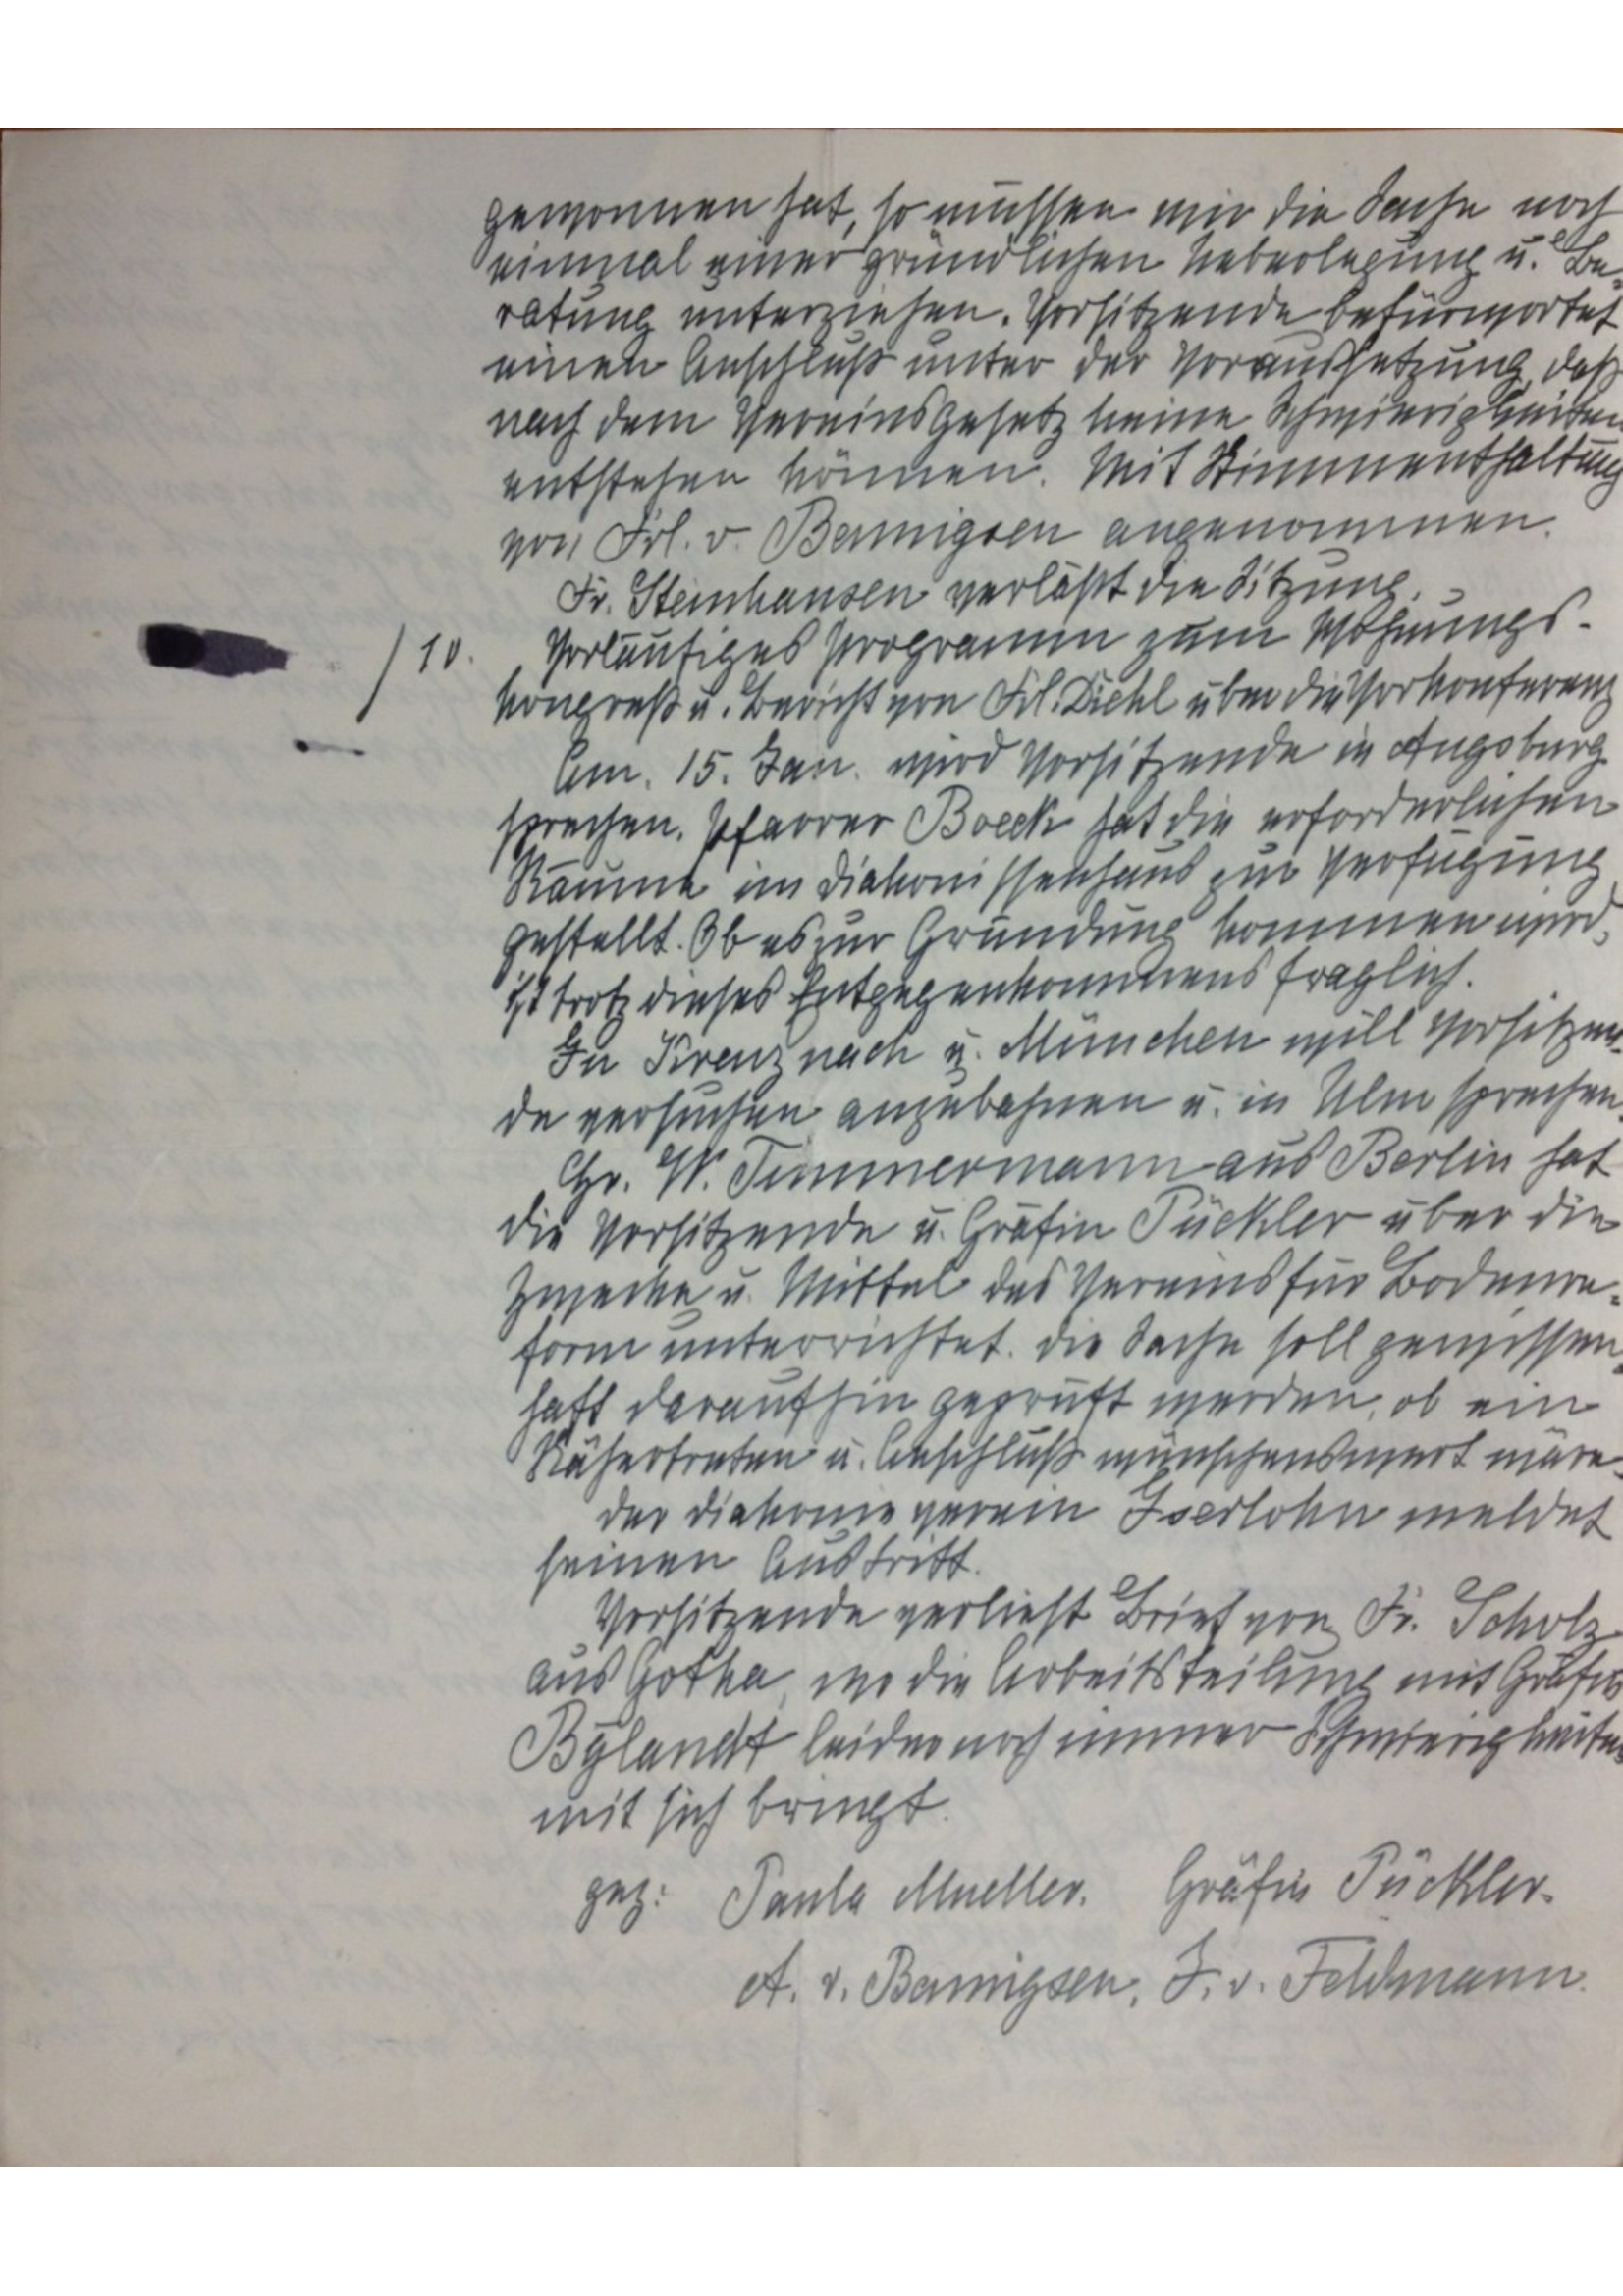10
gewonnen hat, so müssen wir die Sache noch
einmal einer gründlichen Ueberlegung u. Be
ratung unterziegen. Vorsitzende beführwortet
einen Anschluß unter der Vorraussetzung, daß
nach dem Vereinsgesetz keineSchwiereigkeiten
entstehen können. Mit Stimmenthaltung
von Frl. v. Bennigsen angenommen.
Fr. Steinhausen verläßt die Sitzung.
Vorläufiges Programm zum WOhnungs
kongreß u. Bericht von Frl. Diehl über die Vorkonferenz.
Am 15. Jan. wird Vorsitzende in Augsburg
sprechen. Pfarrer Boeck hat die erforderlichen
Räume im Diakonissenhaus zur Verfügung
gestellt. Ob es zur Gründung kommen wird
ist trotz unseres Entgegenkommens fraglich.
In Kreuznach u. München will Vorsitzen
de versuchen anzubahnen u. in Ulm sprechen.
Gr. W. Timmermann aus Berlin hat
die Vorsitzende u. Gräfin Pückler über die
Zwecke u. Mittel des Vereins für Bodenre
form unterrichtet die Sache soll gewissen
haft daraufhin geprüft werden ob ein
Nähertreten u. Anschluß wünschenswert wäre.
Der Diakonieverein Iserlohn meldet
seinen Austritt.
Vorsitzede verliest Brief von Fr. Schulz
aus Gotha, wo die Arbeitsteilung mit Gräfin
Bylandt leider noch immer Schwierigkeiten
mit sich bringt.
gez: Paula Mueller Gräfin Pückler
A. v. Bennigsen, F. v. Feldmann